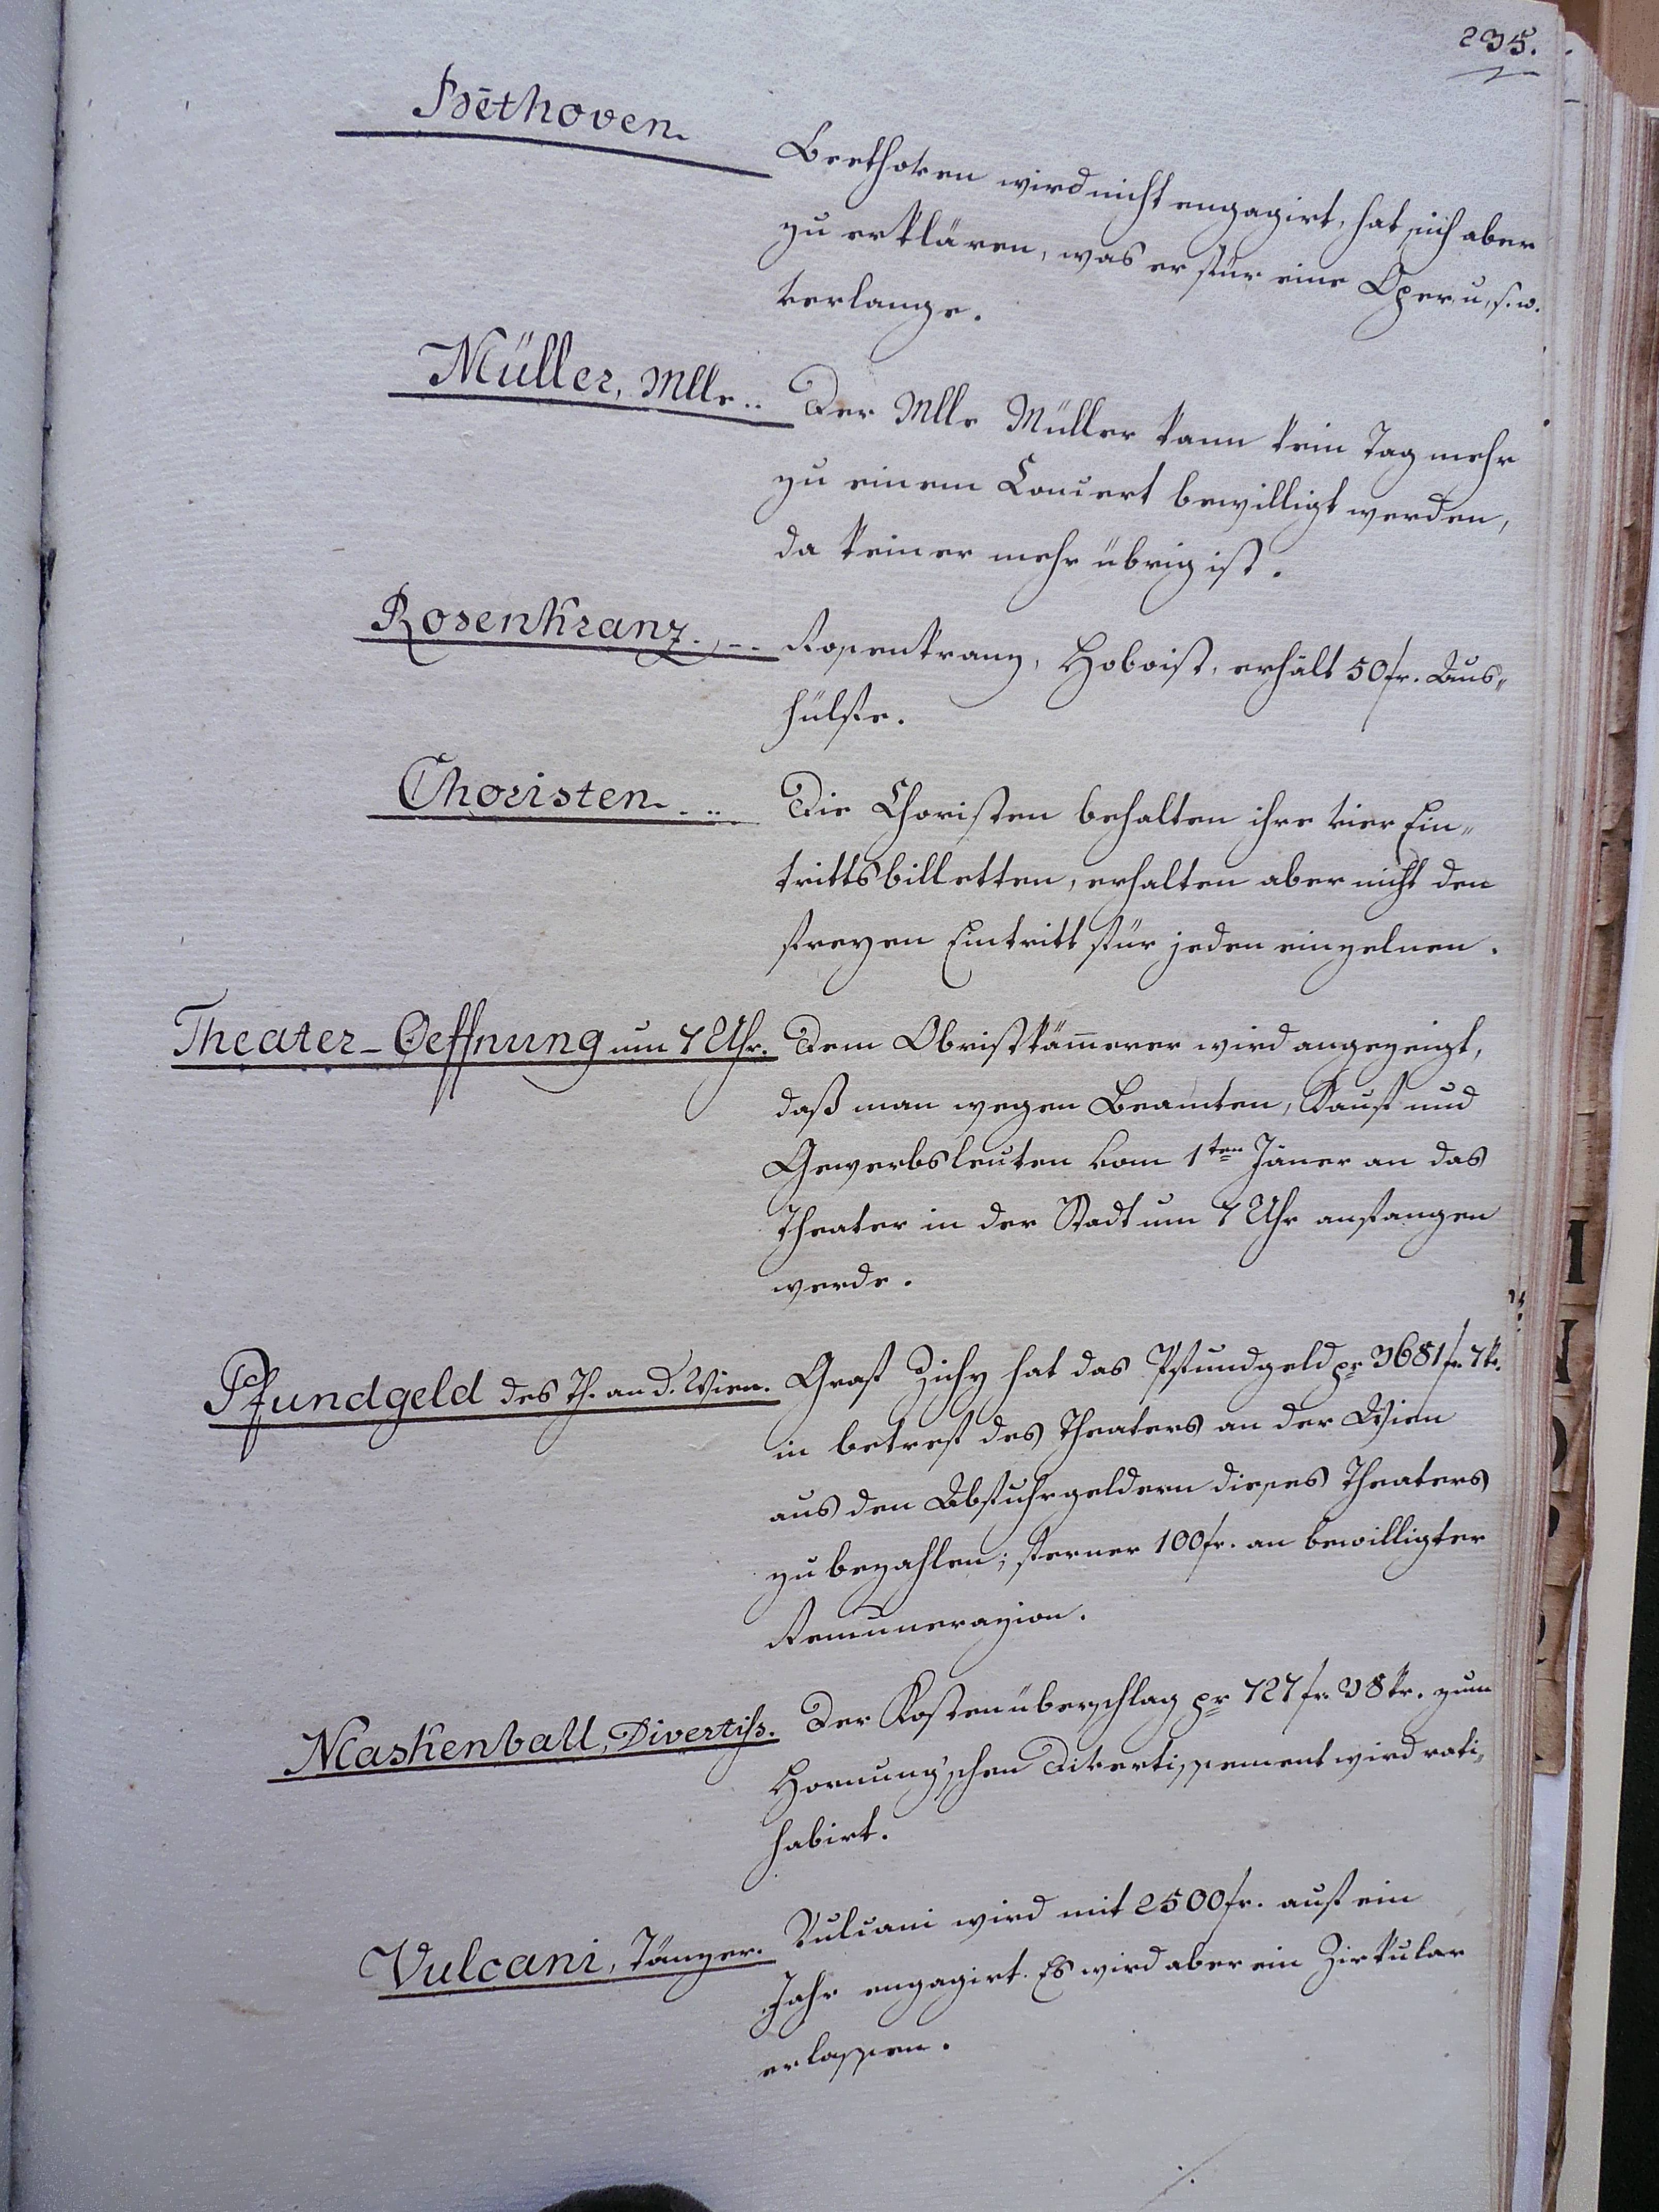235.
Be̅thoven. Beethoven wird nicht engagirt, hat sich aber
zu erklären, was er für eine Oper u.s.w.
verlange.
Müller, Mlle .. Der Mlle Müller kann kein Tag mehr
zu einem Concert bewilligt werden,
da keiner mehr übrig ist.
Rosenkranz. .. . Rosenkranz, Hoboist, erhält 50fr. Aus¬
hülfe.
Choristen. .. Die Choristen behalten ihre vier Ein¬
trittsbilletten, erhalten aber nicht den
freyen Eintritt für jeden einzelnen.
Theater‗Oeffnung um 7 Uhr. Den Obristkäm̅erer wird angezeigt,
daß man wegen Beamten, Kauf und
Gewerbsleuten vom 1te͇n Jäner an das
Theater in der Stadt um 7 Uhr anfangen
werde.
Pfundgeld des Th. an d. Wien. Graf Zichy hat das Pfundgeld 3681fr. 7kr.
in betref des Theaters an der Wien
aus den Abfuhrgeldern dieses Theaters
zu bezahlen; ferner 100fr. an bewilligter
Remunerazion.
Maskenball, Divertiss. Der Kostenüberschlag pr͇ 727fr. 38kr. zum
Hornung'schen Divertissement wird rati¬
habirt.
Vulcani, Tänzer. Vulcani wird mit 2500fr. auf ein
Jahr engagirt. Es wird aber ein Zirkular
erlassen.